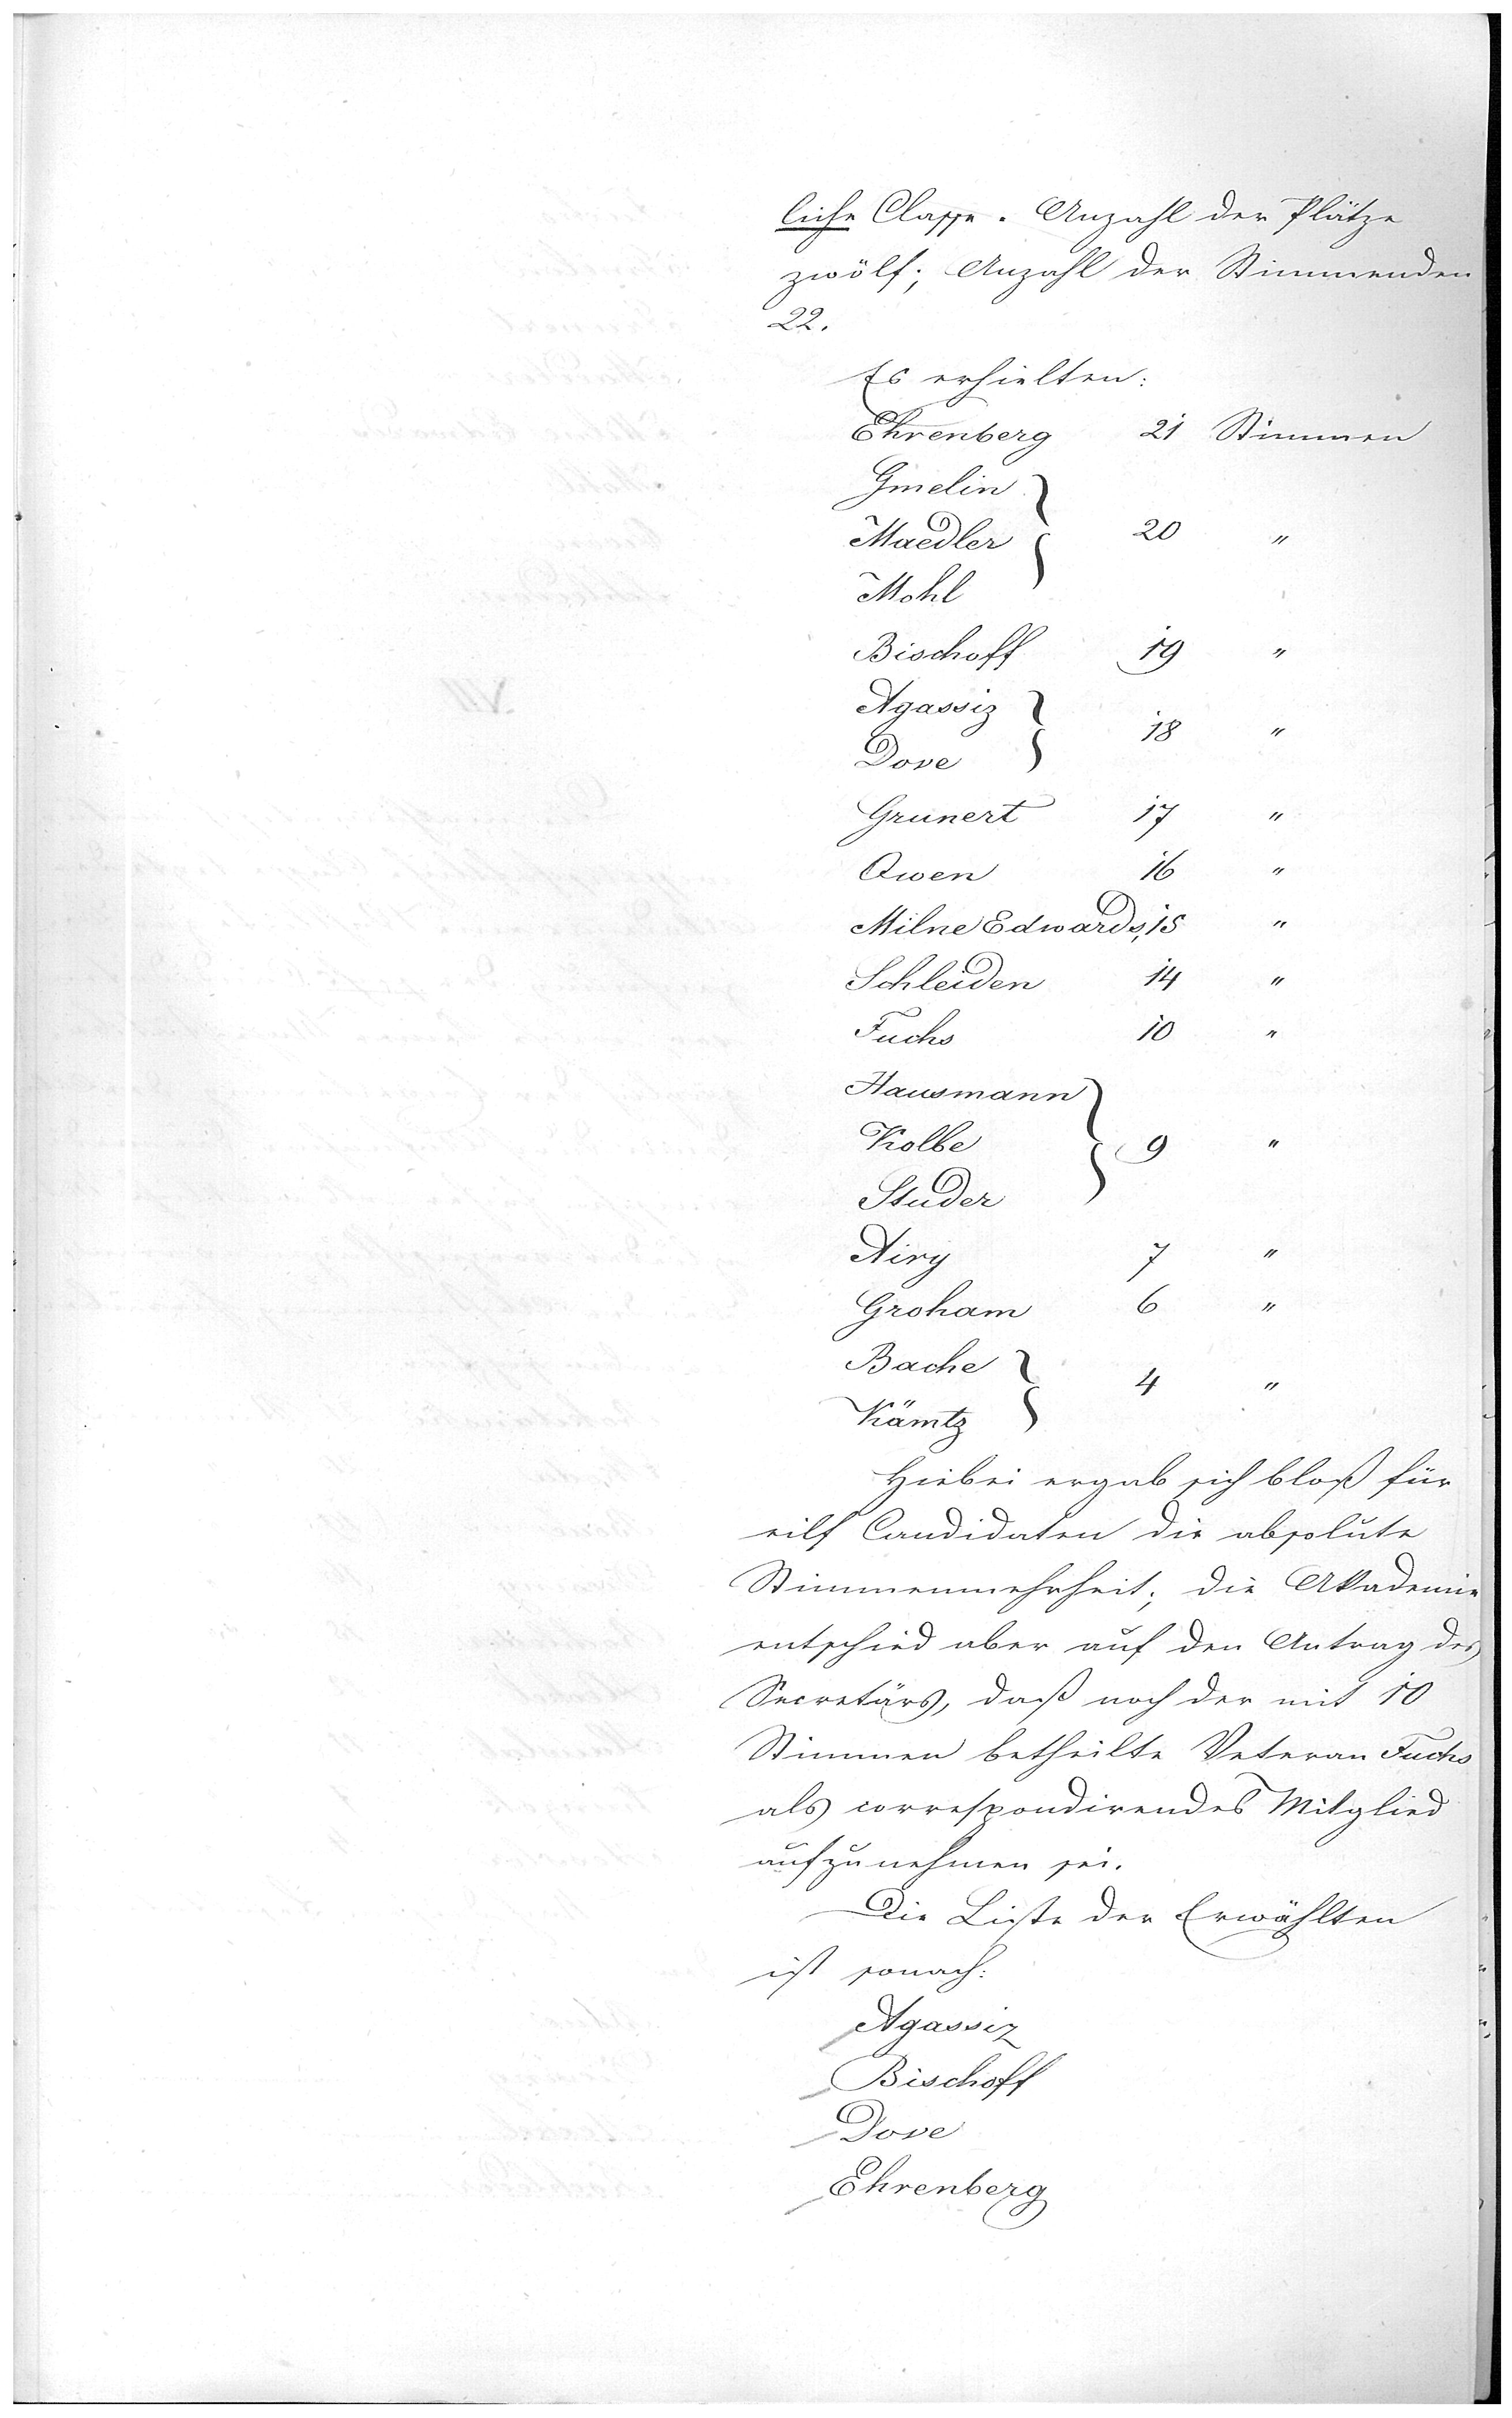liche Classe. Anzahl der Plätze
zwölf; Anzahl der Stimmenden
22.
Es erhielten:
Ehrenberg 21 Stimmen
Gmelin 20 "
Maedler 20 "
Mohl 20 "
Bischoff 19 "
Agassiz 18 "
Dove 18 "
Grunert 17 "
Owen 16 "
Milne Edwards 15 "
Schleiden 14 "
Fuchs 10 "
Hausmann 9 "
Kolbe 9 "
Studer 9 "
Airy 7 "
Groham 6 "
Bache 4 "
Kämtz 4 "
Hienbei ergab sich bloß für
eilf Candidaten die absolute
Stimmenmehrheit; die Akademie
entschied aber auf den Antrag des
Secretärs, daß noch der mit 10
Stimmen betheilte Veteran Fuchs
als correspondirende Mitglied
aufzunehmen sei.
Die Liste der Gewählten
ist sonach:
Agassiz
Bischoff
Dove
Ehrenberg